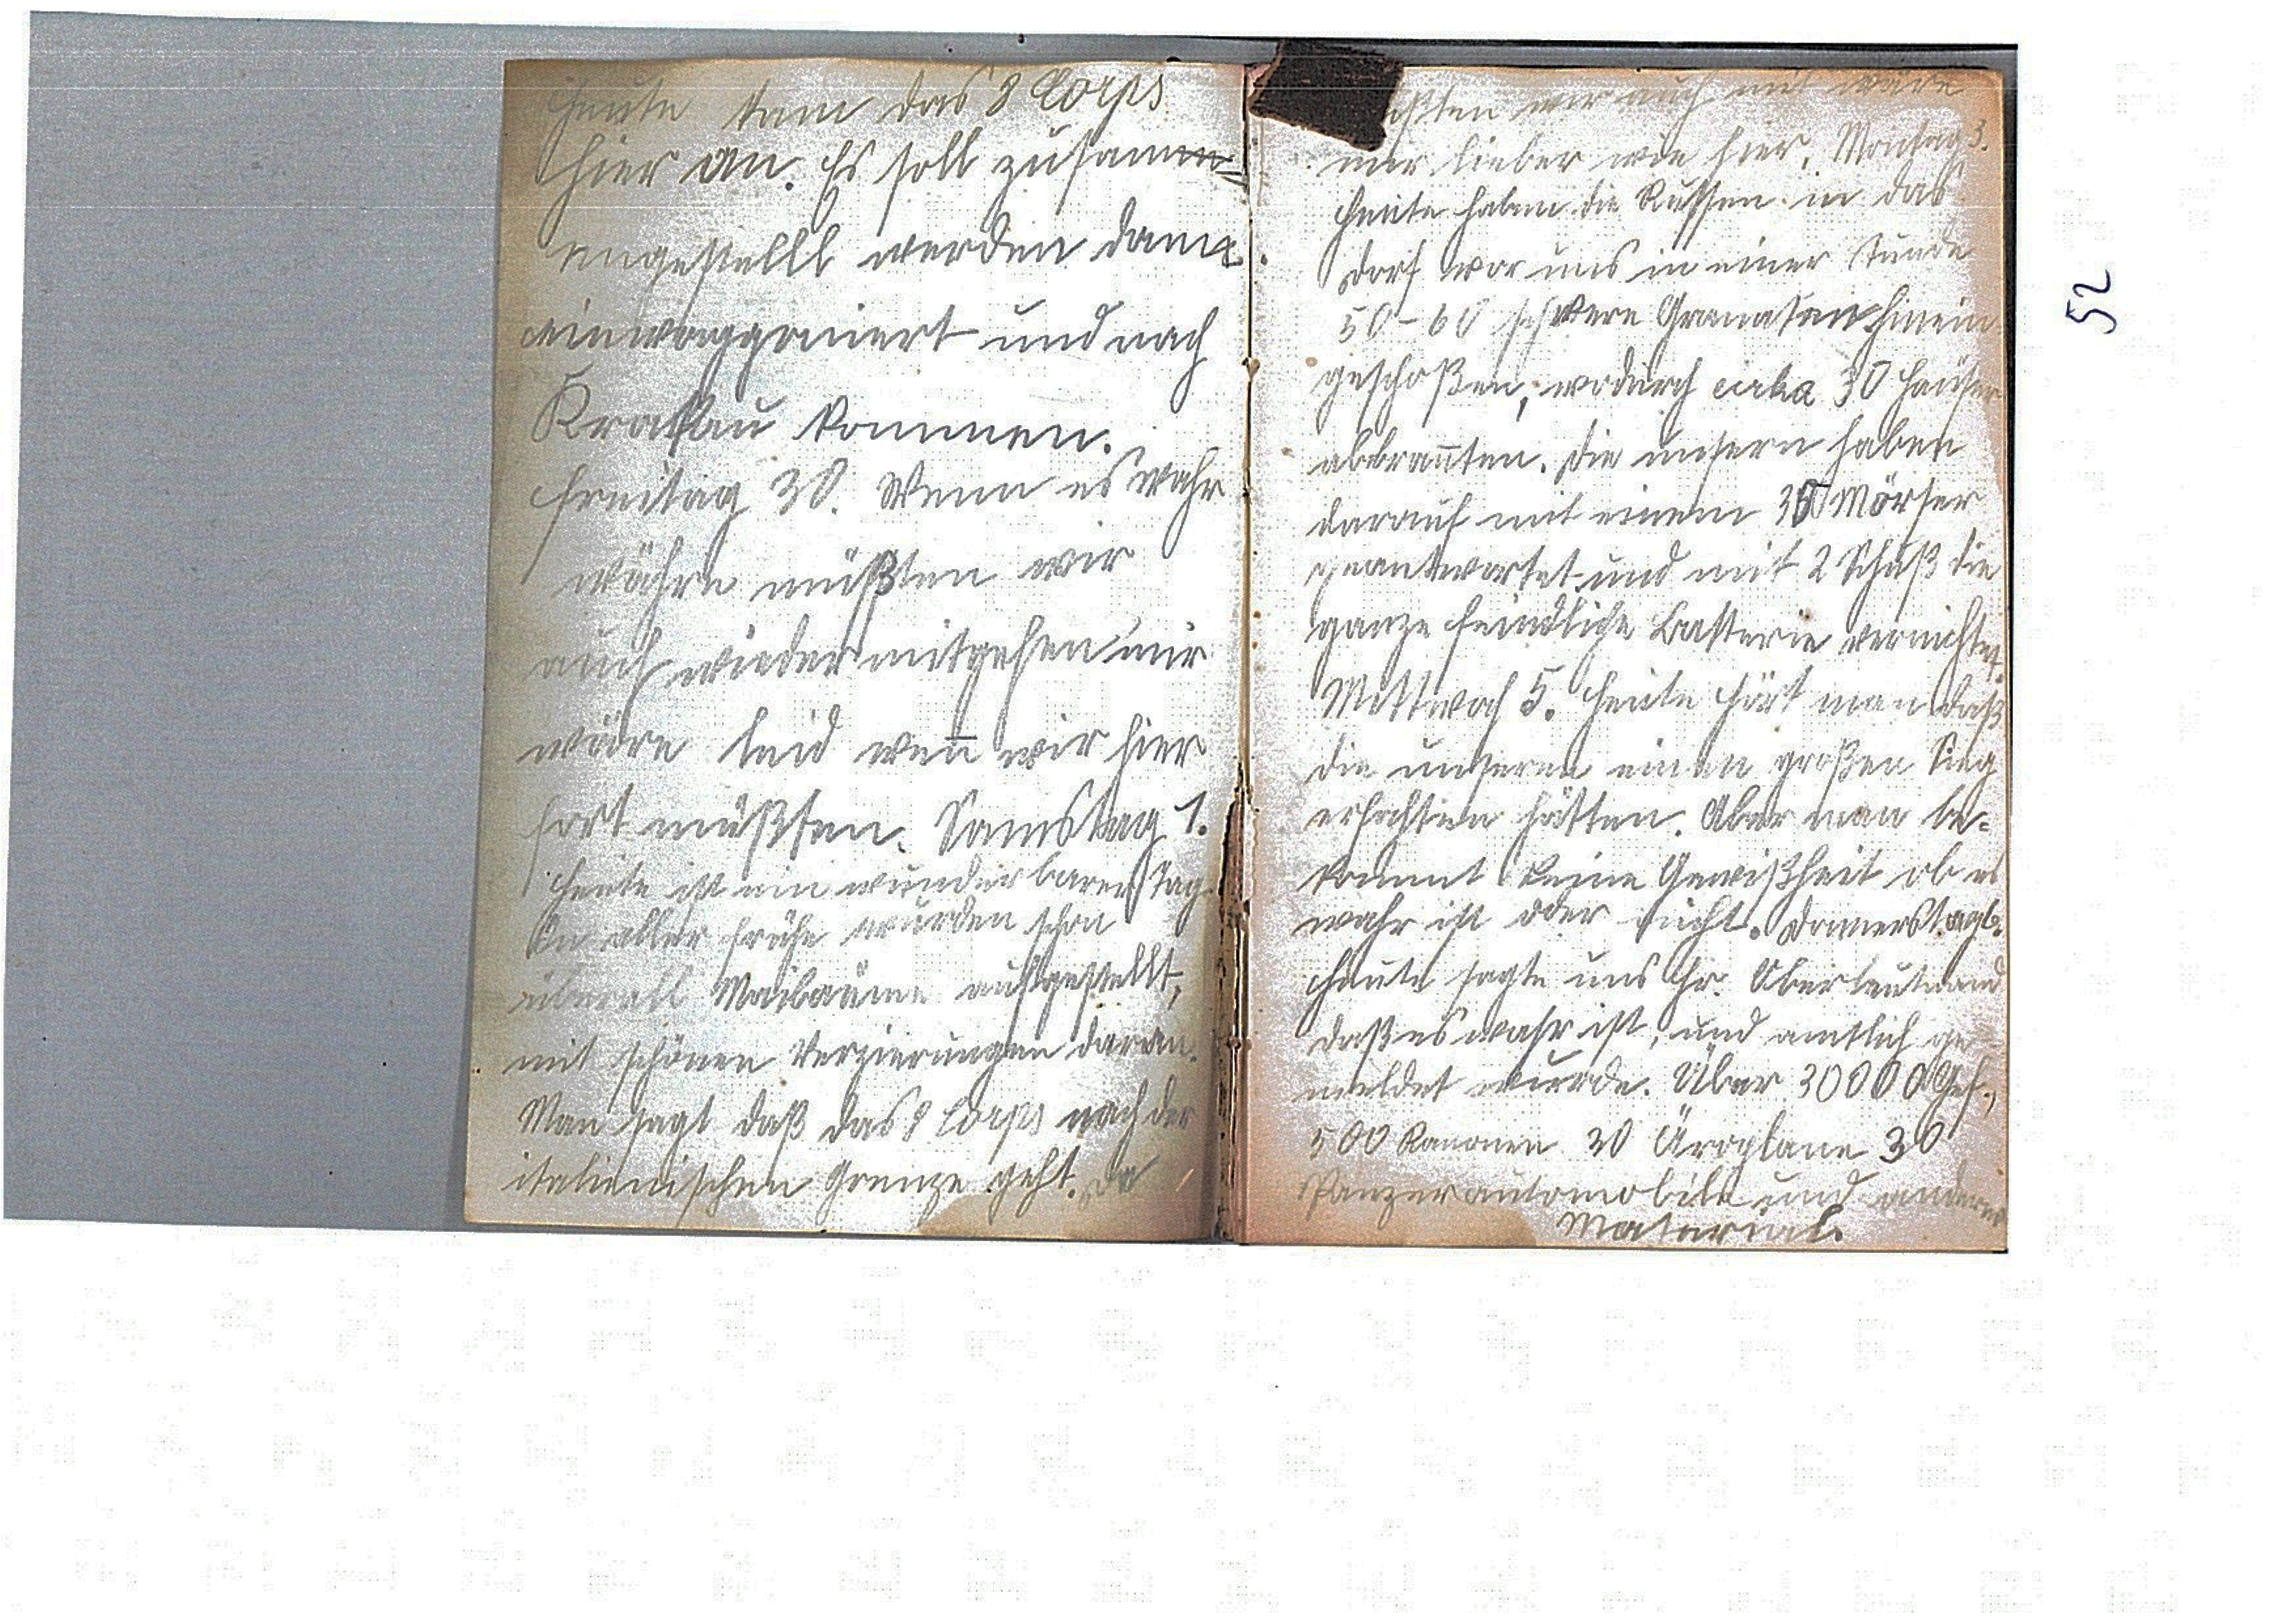Heute kam das 8. Corps
hier an. Es soll zusam-
mengestellt werden dann
einwaggoniert und nach
Krakau kommen.
Freitag 30. Wenn es wahr
währe müßten wir
auch wieder mitgehen mir
wäre leid wenn wir hier
fort müßten. Samstag 1.
Heute ist ein wunderbarer Tag.
In aller Frühe wurden schon
überall Maibäume aufgestellt,
mit schönen Verzierungen daran.
Man sagt daß das 8. Corps nach der
italienischen Grenze geht. Da
müßten wir auch mit wäre
mir lieber wir hier. Montag 3.
Heute haben die Russen in das
Dorf vor uns in einer Stunde
50-60 Rohre Granaten hinein
geschoßen, wodurch cirka 30 Häuser
abbrannten. Die unseren haben
darauf mit einem 35 Mörser
geantwortet und mit 2 Schuß die
ganze feindliche Batterie vernichtet.
Mittwich 5. Heute hört man daß
die unseren einen großen Sieg
erfochten hätten. Aber man be-
kommt keine Gewißheit ob es
wahr ist oder nicht. Donnerstag 6.
heute sagt uns Hr. Oberstleutnand
daß es waht ist , und amtlich ge
macht wurde. Über 30000 Gef.
500 Kanonen 30 Äroplan 30
Panzerautomobile und anderes
Material